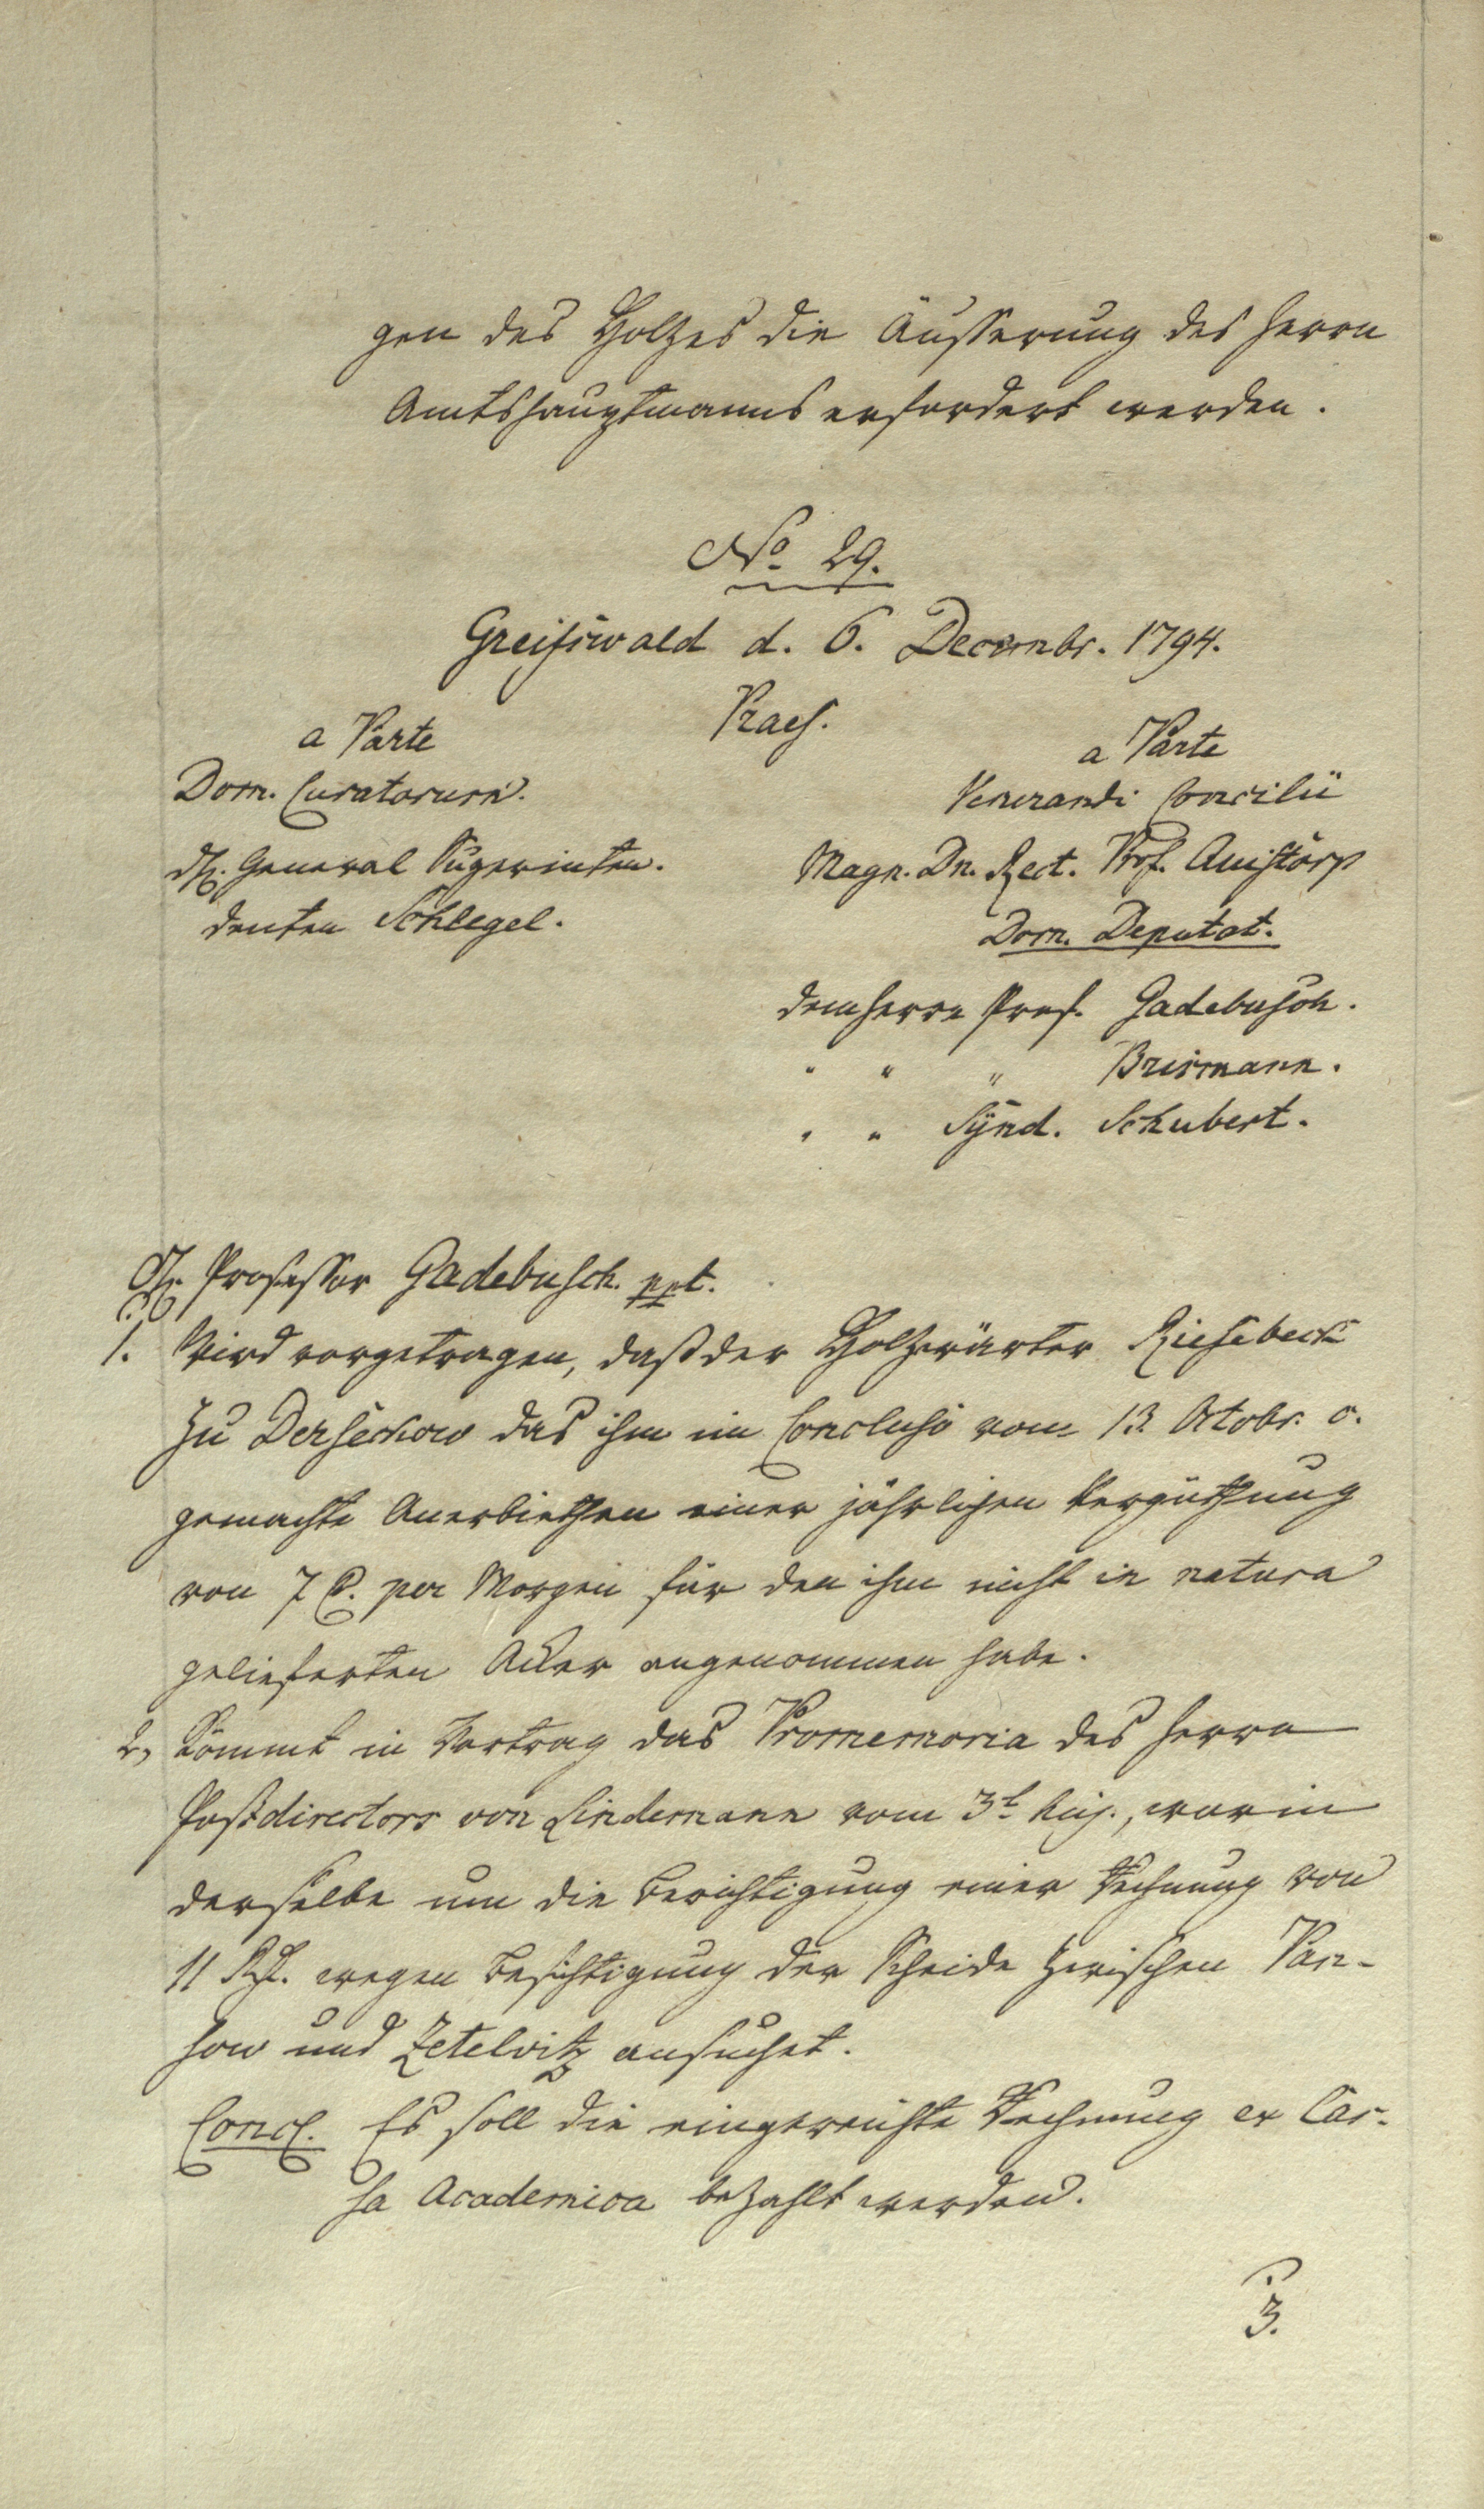gen des Holzes die Äusserung des Herrn
Amtshauptmanns erfordert werden.
No 29.
Greifswald d. 6. Decembr. 1794.
Praes.
a Parte a Parte
Dom. Curatorum. Venerandi Concilii
dh General Superinten¬ Magn. Dn. Rect. Prof. Quistorp
denten Schlegel.
Dom. Deputat.
dem Herrn Prof. Gadebusch.
Brismann.
Sÿnd. Schubert.
dh. Professor Gadebusch ppt.
1. Wird vorgetragen, daß der Holzwärter Riesebeck
zu Derseckow das ihm im Concluso vom 12 Octobr. c.
gemachte Anerbiethen einer jährlichen Vergüthung
von 7 l. per Morgen für den ihm nicht in natura
gelieferten Acker angenommen habe.
2, Kömmt in Vortrag das Promemoria des Herrn
Postdirectors von Lindemann vom 3 t huj., worin
derselbe um die Berichtigung einer Rechnung von
11 Rf. wegen Besichtigung der Scheide zwischen Pan¬
sow und Zetelvitz ansuchet.
Concl. Es soll die eingereichte Rechnung ex Cas¬
sa Academica bezahlt werden.
3.